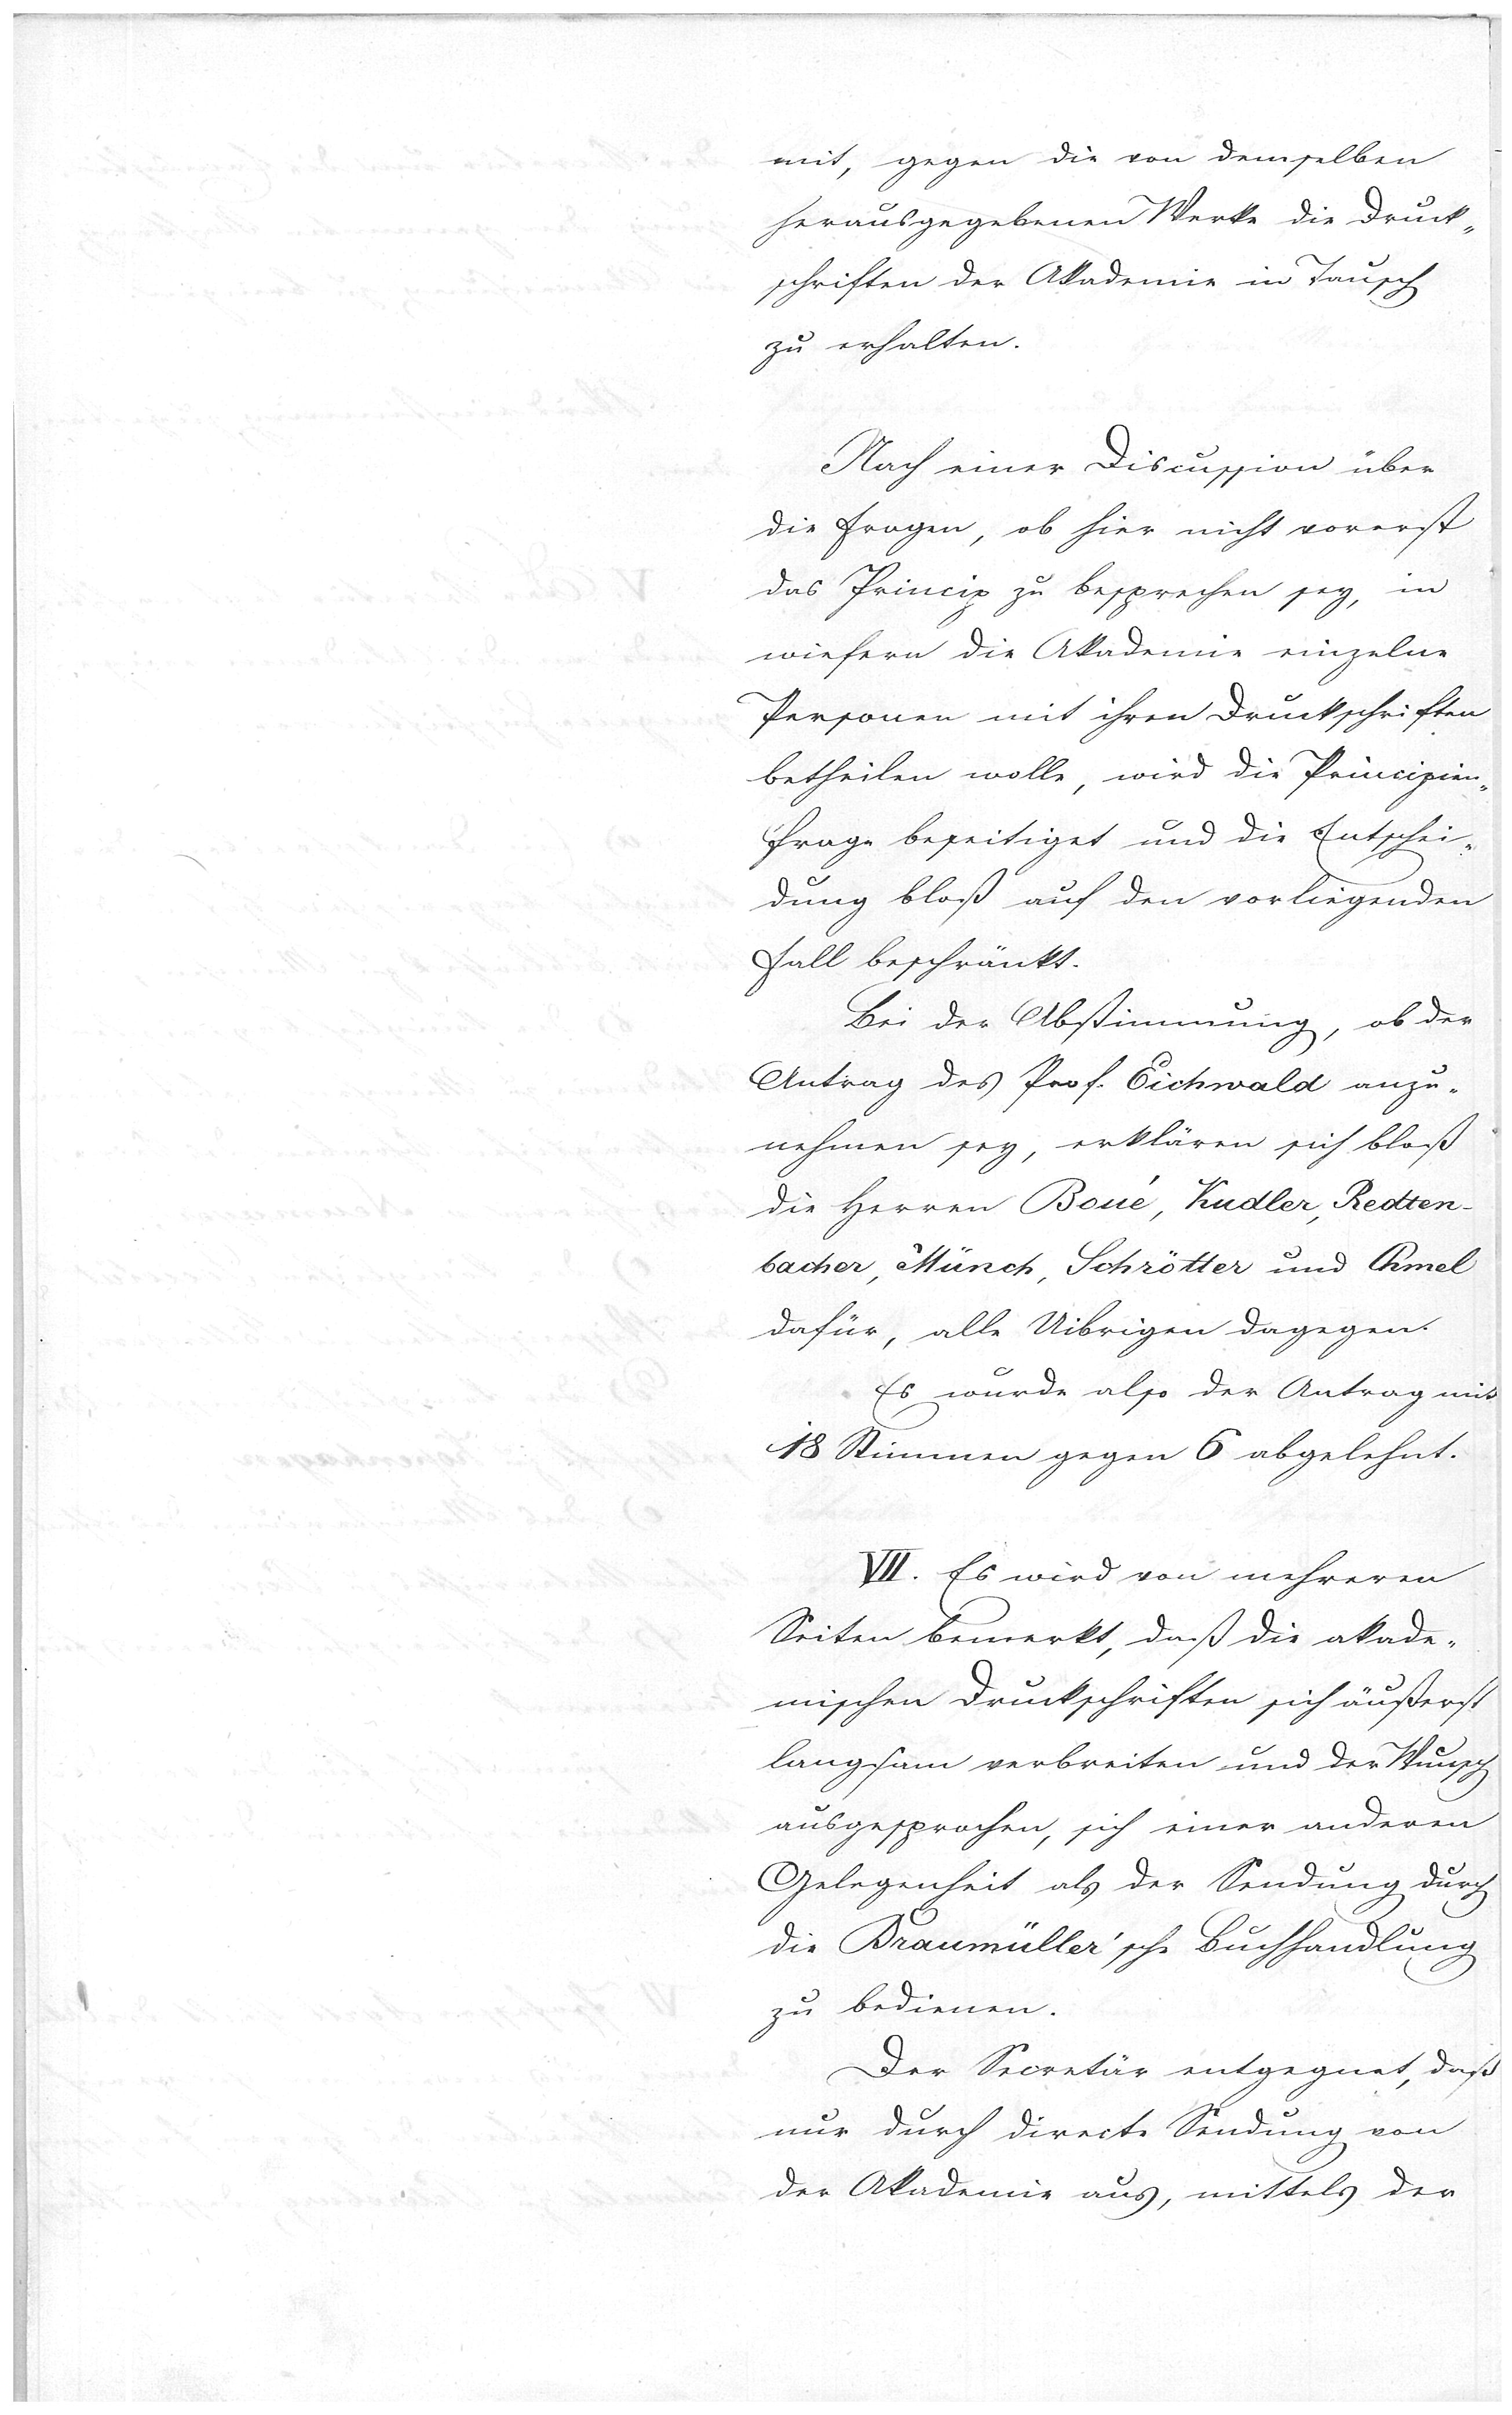mit, gegen die von demselben
herausgegebenen Werke die Druck-
schriften der Akademie in Tausch
zu erhalten.
Nach einer Discussion über
die Fragen, ob hier nicht vorerst
das Princip zu besprochen sey, in
wiefern die Akademie einzelne
Personen mit ihren Druckschriften
betheilen wolle, wird die Principien-
Frage beseitiget und die Entschei-
dung bloß auf den vorliegenden
Fall beschränkt.
Bei der Abstimmung, ob der
Antrag des Prof. Eichwald anzu-
nehmen sey, erklären sich bloß
die Herren Boué, Kudler, Redten-
bacher, Münch, Schrötter und Chmel
dafür, alle Uibrigen dagegen.
Es wurde also der Antrag mit
18 Stimmen gegen 6 abgelehnt.
VII. Es wird von mehreren
Seiten bemerkt, daß die akade-
mischen Druckschriften sich äußerst
langsam verbreiten und der Wunsch
ausgesprochen, sich einer anderen
Gelegenheit als der Sendung durch
die Braumüller'sche Buchhandlung
zu bedienen.
Der Secretär entgegnet daß
nur durch directe Sendung von
der Akademie aus, mittels der